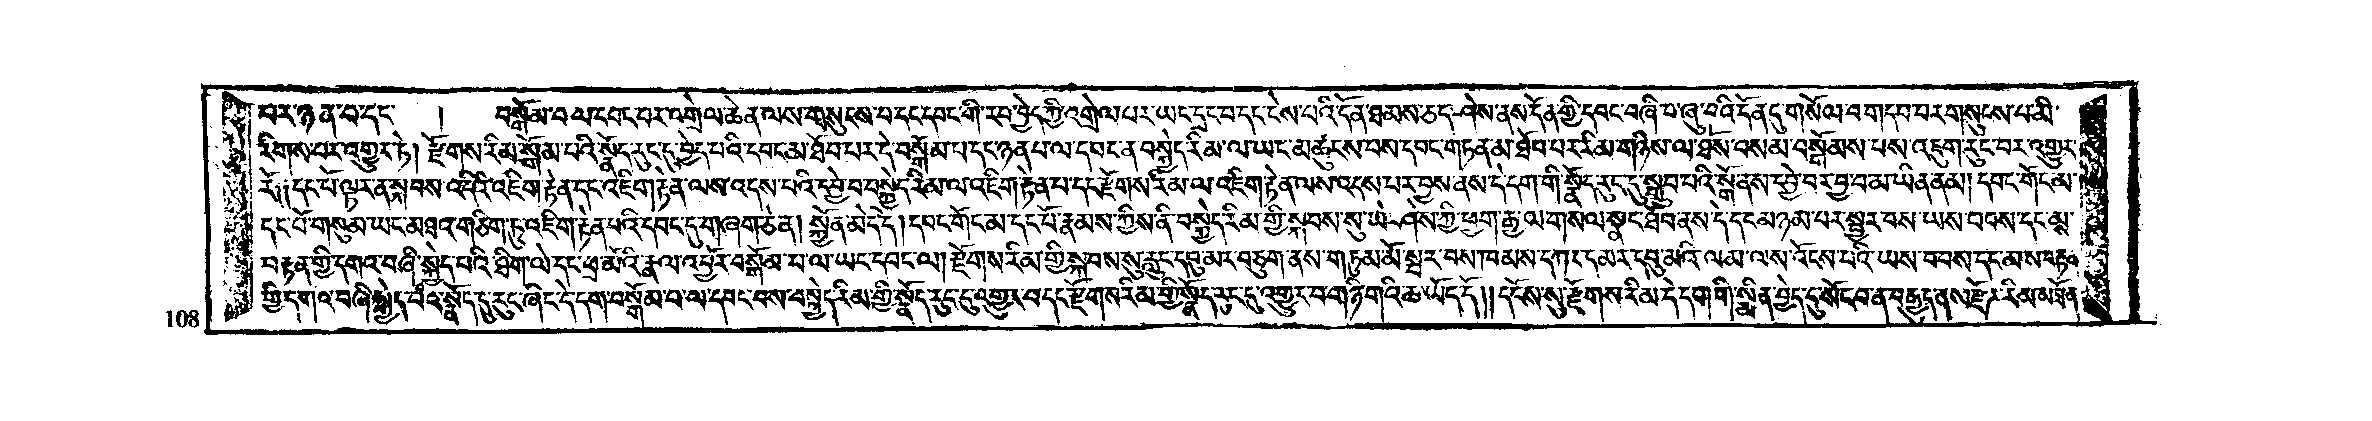པར་ཉན་པ་དང་། བསྒོམ་པ་ལ་དབང་བར་འགྲེལ་ཆེན་ལས་གསུངས་པ་དང་དབང་གི་རབ་བྱེད་ཀྱི་འགྲེལ་པར་ཡང་དྲང་བ་དང་ངེས་པའི་དོན་ཐམས་ཅད་ཤེས་ནས་དོན་གྱི་དབང་བཞི་པ་ཞུ་བའི་དོན་དུ་གསོལ་བ་གདབ་པར་གསུངས་པ་མི་
རིགས་པར་འགྱུར་ཏེ། རྫོགས་རིམ་སྒོམ་པའི་སྣོད་རུང་དུ་བྱེད་པའི་དབང་མ་ཐོབ་པར་དེ་བསྒོམ་པ་དང་ཉན་པ་ལ་དབང་ན་བསྐྱེད་རིམ་ལ་ཡང་མཚུངས་པས་དབང་གཏན་མ་ཐོབ་པར་རིམ་གཉིས་ལ་ཐོས་བསམ་བསྒོམས་པས་འཇུག་རུང་བར་འགྱུར་
རོ། །དང་པོ་ལྟར་ན་སྐབས་འདིའི་འཇིག་རྟེན་དང་འཇིག་རྟེན་ལས་འདས་པའི་དབྱེ་བ་བསྐྱེད་རིམ་ལ་འཇིག་རྟེན་པ་དང་རྫོགས་རིམ་ལ་འཇིག་རྟེན་ལས་འདས་པར་བྱས་ནས་དེ་དག་གི་སྣོད་རུང་དུ་སྒྲུབ་པའི་སྒོ་ནས་དབྱེ་བར་བྱ་བ་མ་ཡིན་ནམ། དབང་གོང་མ་
དང་པོ་གསུམ་ཡང་མཐའ་གཅིག་ཏུ་འཇིག་རྟེན་པའི་དབང་དུ་གཞག་ཅེ་ན། སྐྱོན་མེད་དེ། དབང་གོང་མ་དང་པོ་རྣམས་ཀྱིས་ནི་བསྐྱེད་རིམ་གྱི་སྐབས་སུ་ཡེ་ཤེས་ཀྱི་ཕྱག་རྒྱ་ལ་གསལ་སྣང་ཐོབ་ནས་དེ་དག་མཉམ་པར་སྦྱར་བས་ཡས་བབས་དང་མས་
བརྟན་གྱི་དགའ་བཞི་སྐྱེད་པའི་ཐིག་ལེ་དང་ཕྲ་མོའི་རྣལ་འབྱོར་བསྒོམ་པ་ལ་ཡང་དབང་ལ། རྫོགས་རིམ་གྱི་སྐབས་སུ་རླུང་དབུ་མར་བཅུག་ནས་གཏུམ་མོ་སྦར་བས་ཁམས་དཀར་དམར་དབུ་མའི་ལམ་ལས་འོངས་པའི་ཡས་བབས་དང་མས་བརྟན་
གྱི་དགའ་བཞི་སྐྱེད་པའཾ་སྣོད་དུ་རུང་ཞིང་དེ་དག་བསྒོམ་པ་ལ་དབང་བས་བསྐྱེད་རིམ་གྱི་སྣོད་རུང་དུ་འགྱུར་བ་དང་རྫོགས་རིམ་གྱི་སྣོད་རུང་དུ་འགྱུར་བ་གཉི་གའི་ཆ་ཡོད་དོ། །དངོས་སུ་རྫོགས་རིམ་དེ་དག་གི་སྨིན་བྱེད་དུ་སོང་བ་ན་བརྒྱུད་ནས་རྫོགས་རིམ་མཐོན་